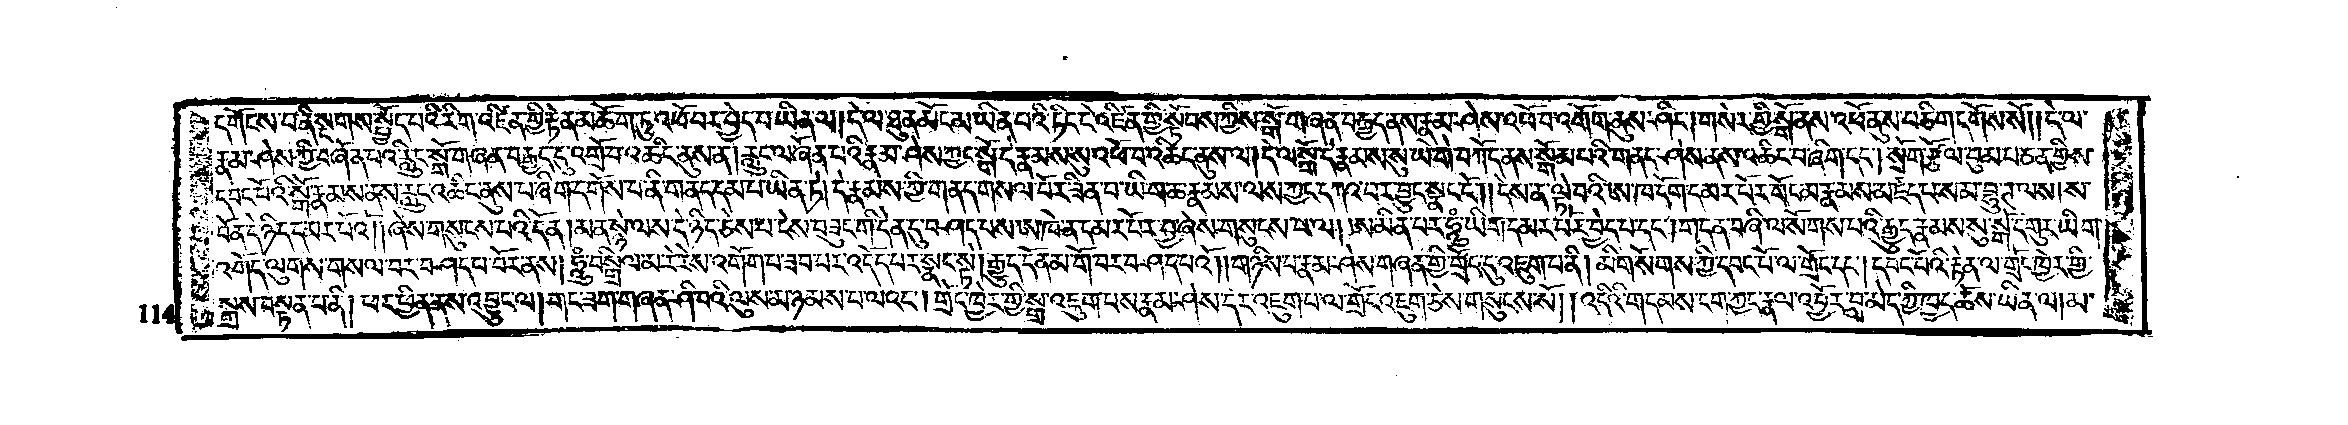དགོངས་པ་ནི་སྔགས་སྤྱོད་པའི་རིག་འཛིན་གྱི་རྟེན་མཆོག་ཏུ་འཕོ་བར་བྱེད་པ་ཡིན་ལ། དེ་ལ་ཐུན་མོང་མ་ཡིན་པའི་ཏིང་ངེ་འཛིན་ཀྱི་སྟོབས་ཀྱིས་སྒོ་གཞན་བརྒྱད་ནས་རྣམ་ཤེས་འཕོ་བ་འགོག་ནུས་ཤིང་། གསེར་གྱི་སྒོ་ནས་འཕོ་ནུས་པ་ཅིག་དགོས་སོ། །དེ་ལ་
རྣམ་ཤེས་ཀྱི་བཞོན་པའི་རླུང་སྒོ་གཞན་བརྒྱད་དུ་འགྲོ་བ་འཆིང་ནུས་ན། རླུང་ལ་ཞེན་པའི་རྣམ་ཤེས་ཀྱང་སྒོ་དེ་རྣམས་སུ་འཕོ་བའི་འཆིང་ནུས་ལ། དེ་ལ་སྒོ་དེ་རྣམས་སུ་ཡི་གེ་བཀོད་ནས་སྒོམ་པའི་གནད་ཤེས་ནས་འཆིང་བ་ཞིག་དང་། སྲོག་རྩོལ་བུམ་པ་ཅན་གྱིས་
དབང་པོའི་སྒོ་རྣམས་ནས་རླུང་འཆིང་ནུས་པ་ཞིག་དགོས་པ་ནི་གནད་དམ་པ་ཡིན་ཏེ། དེ་རྣམས་ཀྱི་གནད་གསལ་པོར་ཟིན་པ་ཡིག་ཆ་རྣམས་ལས་ཀྱང་དཀའ་བར་བྱུང་སྣང་ངོ། །དེས་ན་ལྟེ་བའི་ཨ་ཁ་དོག་དམར་པོར་གོང་མ་རྣམས་མཛད་པ་སམ་བྷུ་ཊ་ལས། ས་
བོན་དེ་ཉིད་དམར་པོའོ། །ཞེས་གསུངས་པའི་དོན། མན་སྙེ་ལས་དེ་ཉིད་ཅེས་པ་ངེས་བཟུང་གི་དོན་དུ་བཤད་པས་ཨ་ཁེ་ན་དམར་པོར་བྱ་ཞེས་གསུངས་པ་ལ། ཨ་མིན་པར་ཧཱུཾ་ཡིག་དམར་པོར་བྱེད་པ་དང་། གདན་བཞི་ལ་སོགས་པའི་རྒྱུད་རྣམས་སུ་སྒོ་དགུར་ཡི་གེ་?
འགོད་ལུགས་གསལ་བར་བཤད་པ་བོར་ནས། ཧཱུཾ་བསྒྲིལ་མ་རེ་རེས་འགོད་པ་ཟབ་པར་འདོད་པར་སྣང་སྟེ། རྒྱུད་དོན་མ་གོ་བར་བཤད་པའོ། །གཉིས་པ་རྣམ་ཤེས་གཞན་གྱི་གྲོང་དུ་འཇུག་པ་ནི། མིག་སོགས་ཀྱི་དབང་པོ་ལ་གྲོང་དང་། དབང་པོའི་རྟེན་ལ་གྲོང་ཁྱེར་གྱི་
སྒྲས་བསྟན་པ་ནི། ཕར་ཕྱིན་ནས་འབྱུང་ལ། གང་ཟག་གཞན་ཤི་བའི་ལུས་མ་ཉམས་པ་ལའང་། གྲོང་ཁྱེར་གྱི་སྒྲ་འཇུག་པས་རྣམ་ཤེས་དེར་འཇུག་པ་ལ་གྲོང་འཇུག་ཅེས་གསུངས་སོ། །འདིའི་གདམས་ངག་ཀྱང་རྣལ་འབྱོར་བླ་མེད་ཀྱི་ཁྱད་ཆོས་ཡིན་ལ། མ་